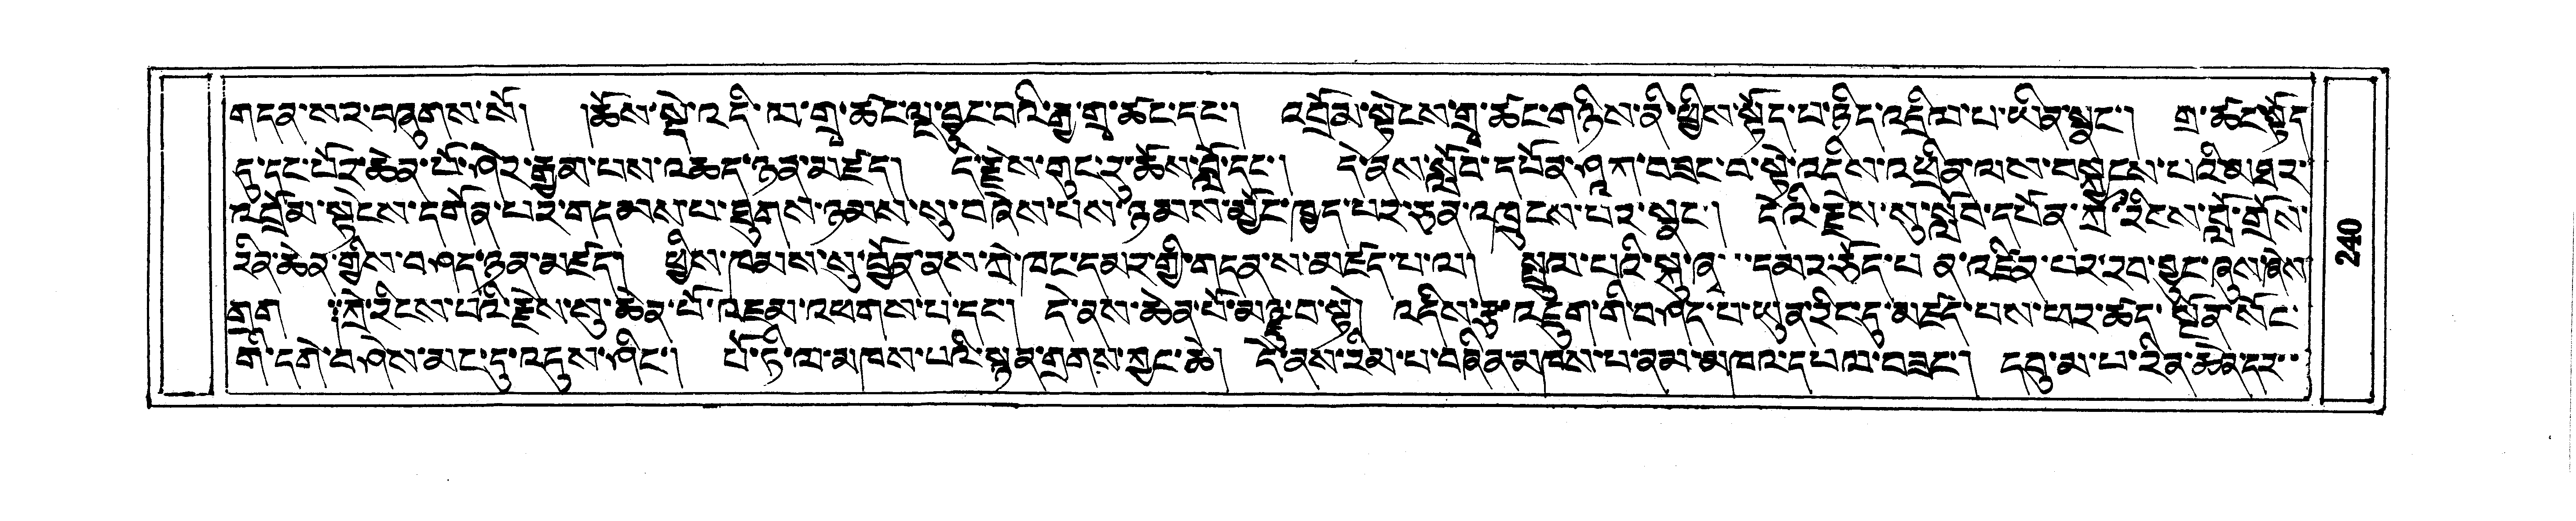གདན་སར་བཞུགས་སོ། །ཆོས་སྡེ་འདི་ལ་གྲྭ་ཚང་ལྔ་བྱུང་བའི་རྒྱ་གྲྭ་ཚང་དང་། འབྲོམ་སྟེངས་གྲྭ་ཚང་གཉིས་ནི་ཕྱིས་སྟོད་པ་ཉིད་འདྲིལ་པ་ཡིན་སྣང་། གྲ་ཚང་སྟོད་
དུ་དང་པོར་ཆེན་པོ་ཤེར་རྒྱམ་པས་འཆད་ཉན་མཛད། དེ་རྗེས་གུང་རུ་ཆོས་བློ་དང་། དེ་ནས་སློབ་དཔོན་ཤཱཀ་བཟང་བ་སྟེ་འདིས་འཕྲིན་ལས་བསྐྱངས་པའི་མཐར་
འབྲོམ་སྟེངས་དགོན་པར་གདམས་པ་ཐུགས་ཉམས་སུ་བཞེས་པས་ཉམས་མྱོང་ཁྱད་པར་ཅན་འཁྲུངས་པར་སྣང་། དེའི་རྗེས་སུ་སློབ་དཔོན་ཀྲྀ་རིངས་བློ་གྲོས་
རིན་ཆེན་གྱིས་བཤད་ཉན་མཛད། ཕྱིས་ཁམས་སུ་བྱོན་ནས་ཀྲེ་ཁང་དམར་གྱི་གདན་ས་མཛད་པ་ལ། སྤྲུལ་པའི་སྐུ་ཞྭ་དམར་ཅོད་པ་ན་འཛིན་པར་རབ་བྱུང་ཞུས་ཞེས་
གྲག ༑ཀྲེ་རིངས་པའི་རྗེས་སུ་ཆེན་པོ་འཇམ་འཕགས་པ་དང་། དེ་ནས་ཆེན་པོ་མཉྫུ་བ་སྟེ། འདིས་རྩ་འཇུག་གི་བཤད་པ་ཡུན་རིང་དུ་མཛད་པས་ཕར་ཚད་སྔོན་སོང་
གི་དགེ་བཤེས་མང་དུ་འདུས་ཤིང་། པོ་ཏི་ལ་མཁས་པའི་སྙན་གྲགས་ཀྱང་ཆེ། དེ་ནས་རིམ་པ་བཞིན་མཁས་པ་ནམ་མཁའ་དཔལ་བཟང་། བདྦུ་མ་པ་རིན་ཆེན་དང་